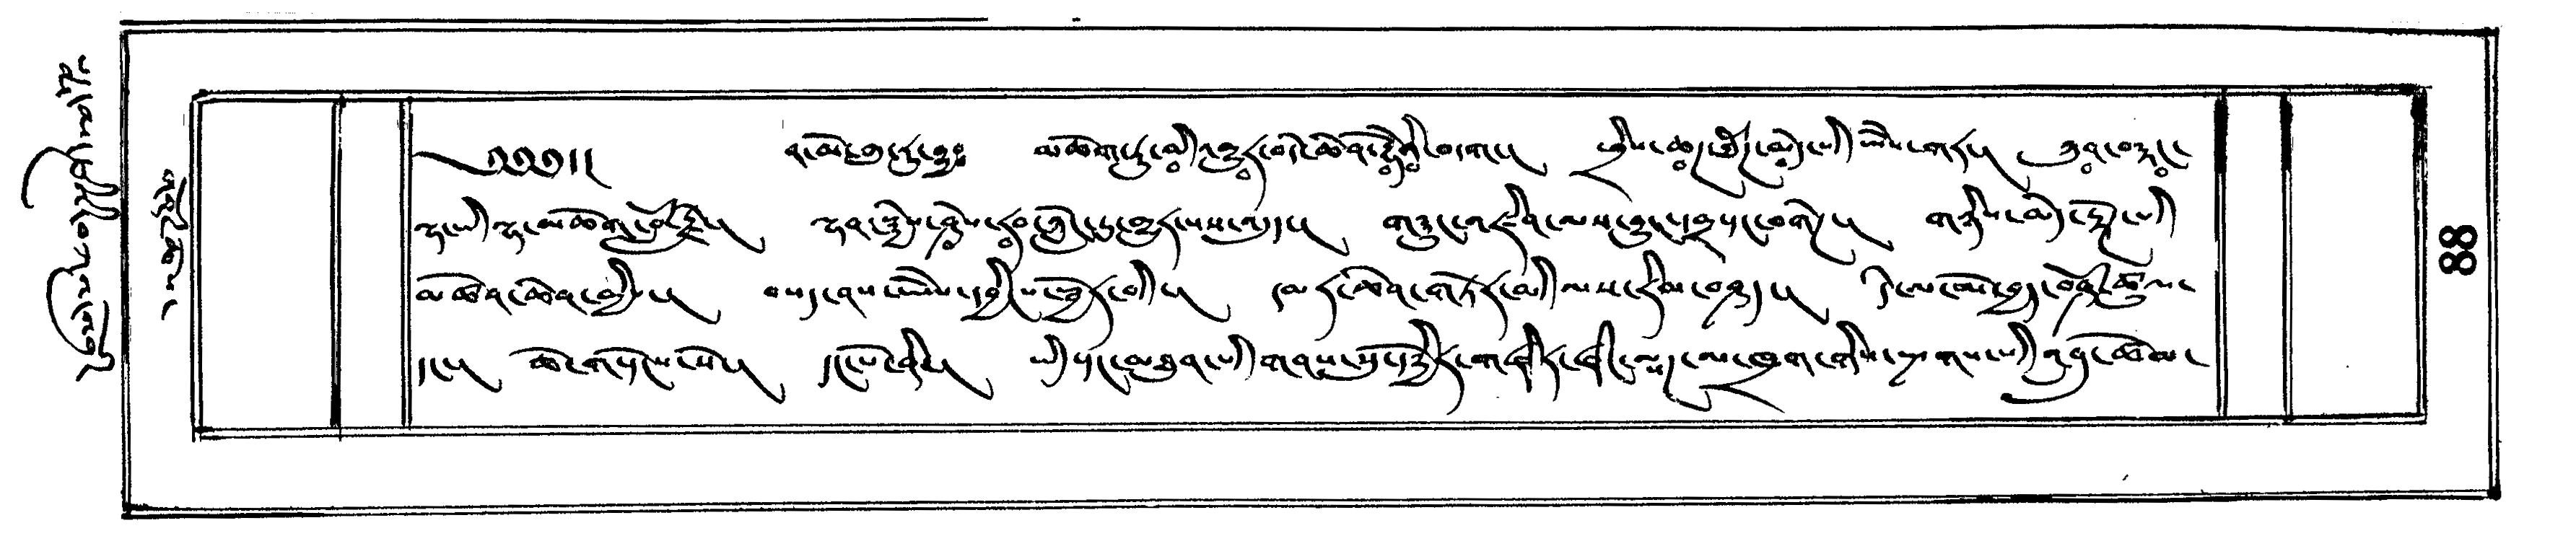༄༅། ན་མོ་གུ་རུ་བྷྱཿ མཆོག་ཏུ་མི་འགྱུར་བདེ་ཆེན་རྡོ་རྗེའི་བདག །ཕྲིན་ལས་ཆགས་ཐོགས་མེད་པའི་ཡེ་ཤེས་གར། །ཀུན་བཟང་
ལྷ་ཡི་ལྷ་མཆོག་བླ་མ་རྗེ། །ལྷན་སྐྱེས་ཤེས་རབ་ཀློང་དུ་གྱུར་པས་འདུད། །གཟུང་འཛིན་ལས་བྱུང་དགྲ་དང་བགེགས། །གཉིས་མེད་རྟོགས་པའི་
མཚོན་ཆེན་གྱིས། །བསད་ནས་ཡེ་ཤེས་དབྱིངས་སྦྱོར་བའི། །དམར་ཆེན་གཏོར་མའི་ལས་རིམ་བཤད། །དེ་ལ་ཡོ་བྱད་བཤམ་ཚུལ་
དང་། ཆོ་ག་དངོས་སོ། དང་པོ་ནི། ཡིད་དང་མཐུན་པའི་གནས་སུ་དཀྱིལ་འཁོར་གྱི་གཞིར་ཞིང་ལྤགས་ལ་ཁྲག་གིས་སྦགས་པའི་འབྲུ་ཚོམ་